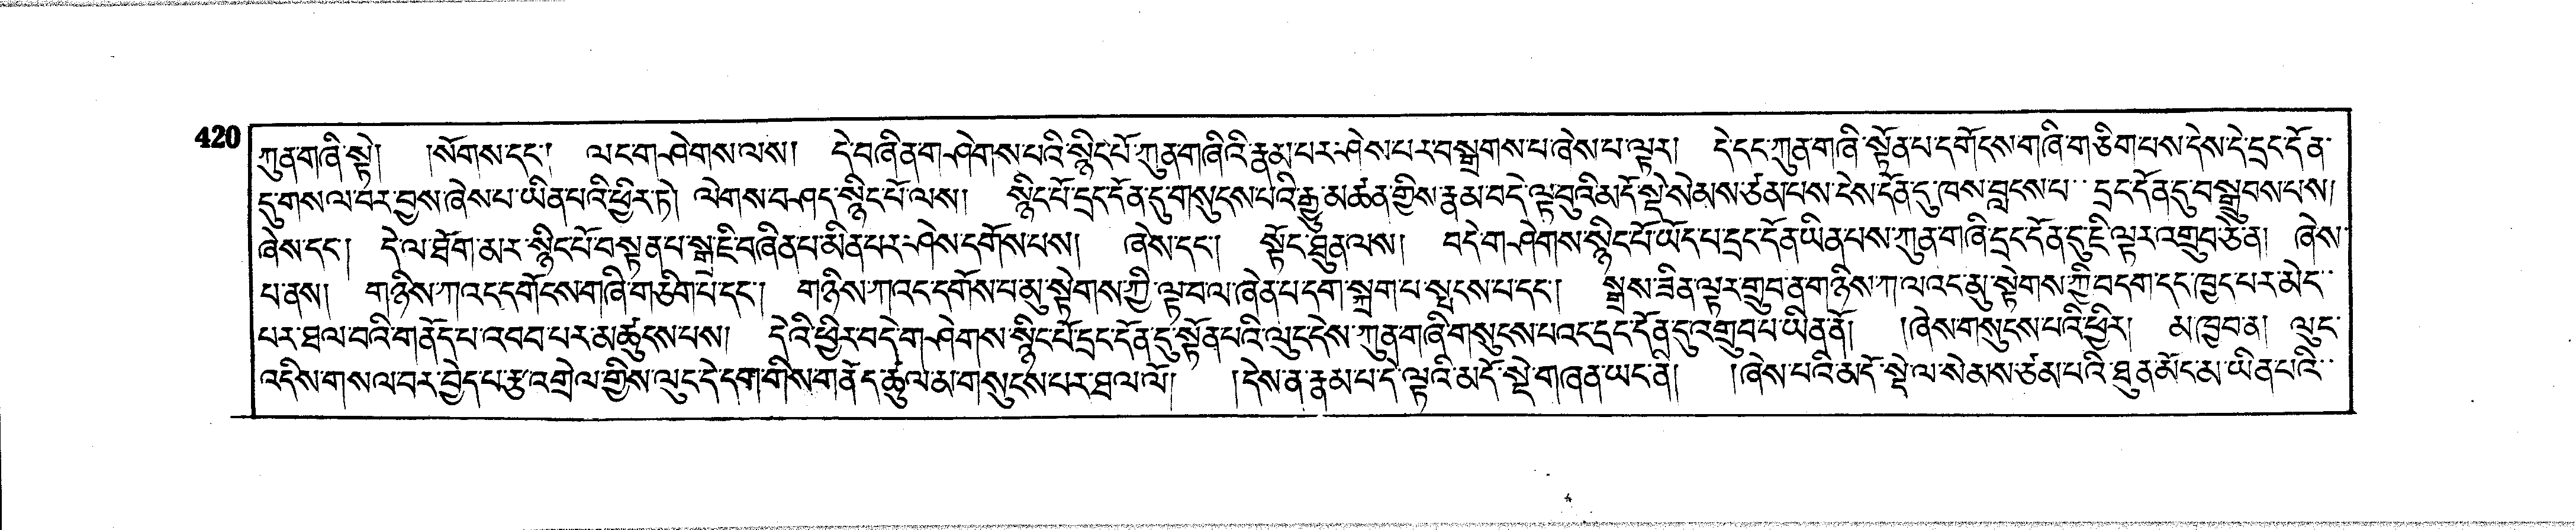ཀུན་གཞི་སྟེ། །སོགས་དང་། ལང་གཤེགས་ལས། དེ་བཞིན་གཤེགས་པའི་སྙིང་པོ་ཀུན་གཞིའི་རྣམ་པར་ཤེས་པར་བསྒྲགས་པ་ཞེས་པ་ལྟར། དེ་དང་ཀུན་གཞི་སྟོན་པ་དགོངས་གཞི་གཅིག་པས་དེས་དེ་དྲང་དོན་
དུ་གསལ་བར་བྱས་ཞེས་པ་ཡིན་པའི་ཕྱིར་ཏེ། ལེགས་བཤད་སྙིང་པོ་ལས། སྙིང་པོ་དྲང་དོན་དུ་གསུངས་པའི་རྒྱུ་མཚན་གྱིས་རྣམ་བདེ་ལྟ་བུའི་མདོ་སྡེ་སེམས་ཙམ་པས་ངེས་དོན་དུ་ཁས་བླངས་པ་དྲང་དོན་དུ་བསྒྲུབས་པས།
ཞེས་དང་། དེ་ལ་ཐོག་མར་སྙིང་པོ་བསྟན་པ་སྒྲ་ཇི་བཞིན་པ་མིན་པར་ཤེས་དགོས་པས། ཞེས་དང་། སྟོང་ཐུན་ལས། བདེ་གཤེགས་སྙིང་པོ་ཡོད་པ་དྲང་དོན་ཡིན་པས་ཀུན་གཞི་དྲང་དོན་དུ་ཇི་ལྟར་འགྲུབ་ཅེ་ན། ཞེས་
པ་ནས། གཉིས་ཀའང་དགོངས་གཞི་གཅིག་པ་དང་། གཉིས་ཀའང་དགོས་པ་མུ་སྟེགས་ཀྱི་ལྟ་བ་ལ་ཞེན་པ་དག་སྐྲག་པ་སྤངས་པ་དང་། སྒྲས་ཟིན་ལྟར་གྲུབ་ན་གཉིས་ཀ་ལའང་། མུ་སྟེགས་ཀྱི་བདག་དང་ཁྱབ་པར་མེད་
པར་ཐལ་པའི་གནོད་པ་འབབ་པར་མཚུངས་པས། དེའི་ཕྱིར་བདེ་གཤེགས་སྙིང་པོ་དྲང་དོན་དུ་སྟོན་པའི་ལུང་དེས་ཀུན་གཞི་གསུངས་པའང་དྲང་དོན་དུ་འགྲུབ་པ་ཡིན་ནོ། །ཞེས་གསུངས་པའི་ཕྱིར། མ་ཁྱབ་ན། ལུ་
འདིས་གསལ་བར་བྱེད་པ་རྩ་འགྲེལ་གྱིས་ལུང་དེ་དག་གིས་གནོད་ཚུལ་མ་གསུངས་པར་ཐལ་ལོ། །དེས་ན་རྣམ་པ་དེ་ལྟའི་མདོ་སྡེ་གཞན་ཡང་ནི། །ཞེས་པའི་མདོ་སྡེ་ལ་སེམས་ཙམ་པའི་ཐུན་མོང་མ་ཡིན་པའི་